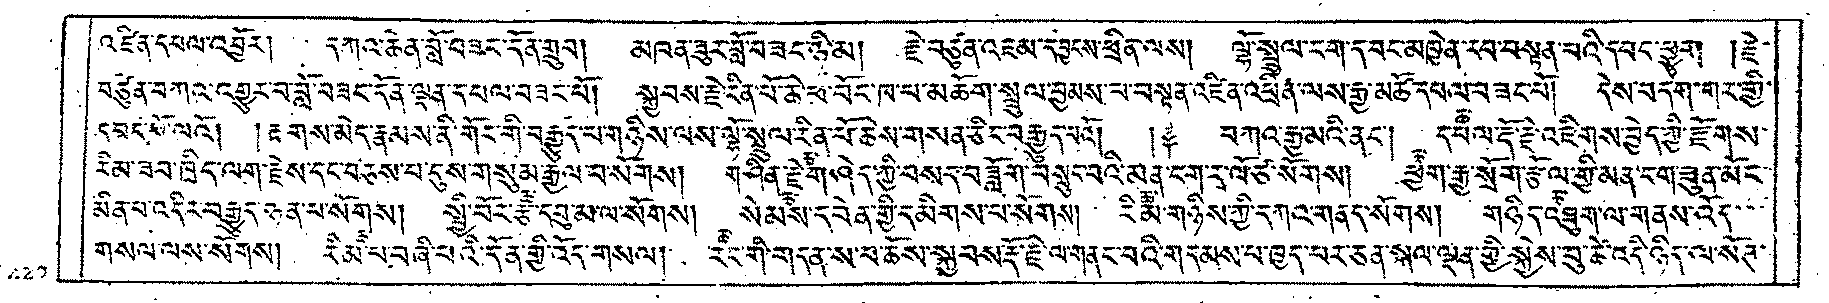འཛིན་དཔལ་འབྱོར། དཀའ་ཆེན་བློ་བཟང་དོན་གྲུབ། མཁན་ཟུར་བློ་བཟང་ཉི་མ། རྗེ་བཙུན་འཇམ་དབྱངས་ཕྲིན་ལས། ལྷོ་སྤྲུལ་ངག་དབང་མཁྱེན་རབ་བསྟན་པའི་དབང་ཕྱུག །རྗེ་
བཙུན་བཀའ་འགྱུར་བ་བློ་བཟང་དོན་ལྡན་དཔལ་བཟང་པོ། སྐྱབས་རྗེ་རིན་པོ་ཆེ་ཕ་བོང་ཁ་པ་མཆོག་སྤྲུལ་བྱས་ན་བསྟན་འཛིན་འཕྲིན་ལས་རྒྱ་མཚོ་དཔལ་བཟང་པོ། དེས་བདག་གར་གྱི་
དབང་པོ་ལའོ། །རྟགས་མེད་རྣམས་ནི་གོང་གི་བརྒྱུད་པ་གཉིས་ལས་ལྷོ་སྤྲུལ་རིན་པོ་ཆེས་གསན་ཅིང་བརྒྱུད་པའོ། །༈ བཀའ་རྒྱ་མའི་ནང་། དཔལ་རྡོ་རྗེ་འཇིགས་བྱེད་ཀྱི་རྫོགས་
རིམ་ཟབ་ཁྲིད་ལག་རྗེས་དང་བཅས་པ་དུས་གསུམ་རྒྱལ་བ་སོགས། གཤིན་རྗེ་གཤེད་ཀྱི་བསད་བཟློག་བསྲུང་བའི་མན་ངག་རྭ་ལོ་ཙ་སོགས། ཕྱག་རྒྱ་སྲོག་རྩོལ་གྱི་མན་ངག་ཐུན་མོང་
མིན་པ་འདིར་བརྒྱུད་ཉན་པ་སོགས། སྤྱི་བོར་རྩ་དབུ་མ་ལ་སོགས། སེམས་དབེན་གྱི་དམིགས་པ་སོགས། རིམ་གཉིས་ཀྱི་དཀའ་གནད་སོགས། གཉིད་འཐུག་ལ་གནས་འོད་
གསལ་ལས་སོགས། རིམ་པ་བཞི་པའི་དོན་གྱི་འོད་གསལ། རང་གི་གདན་ས་བ་ཆོས་སྐྱབས་རྡོ་རྗེ་ལ་གནང་བའི་གདམས་པ་ཁྱད་པར་ཅན་སྐལ་ལྡན་གྱི་སྐྱེས་བུ་ཚེ་འདི་ཉིད་ལ་སོགས་